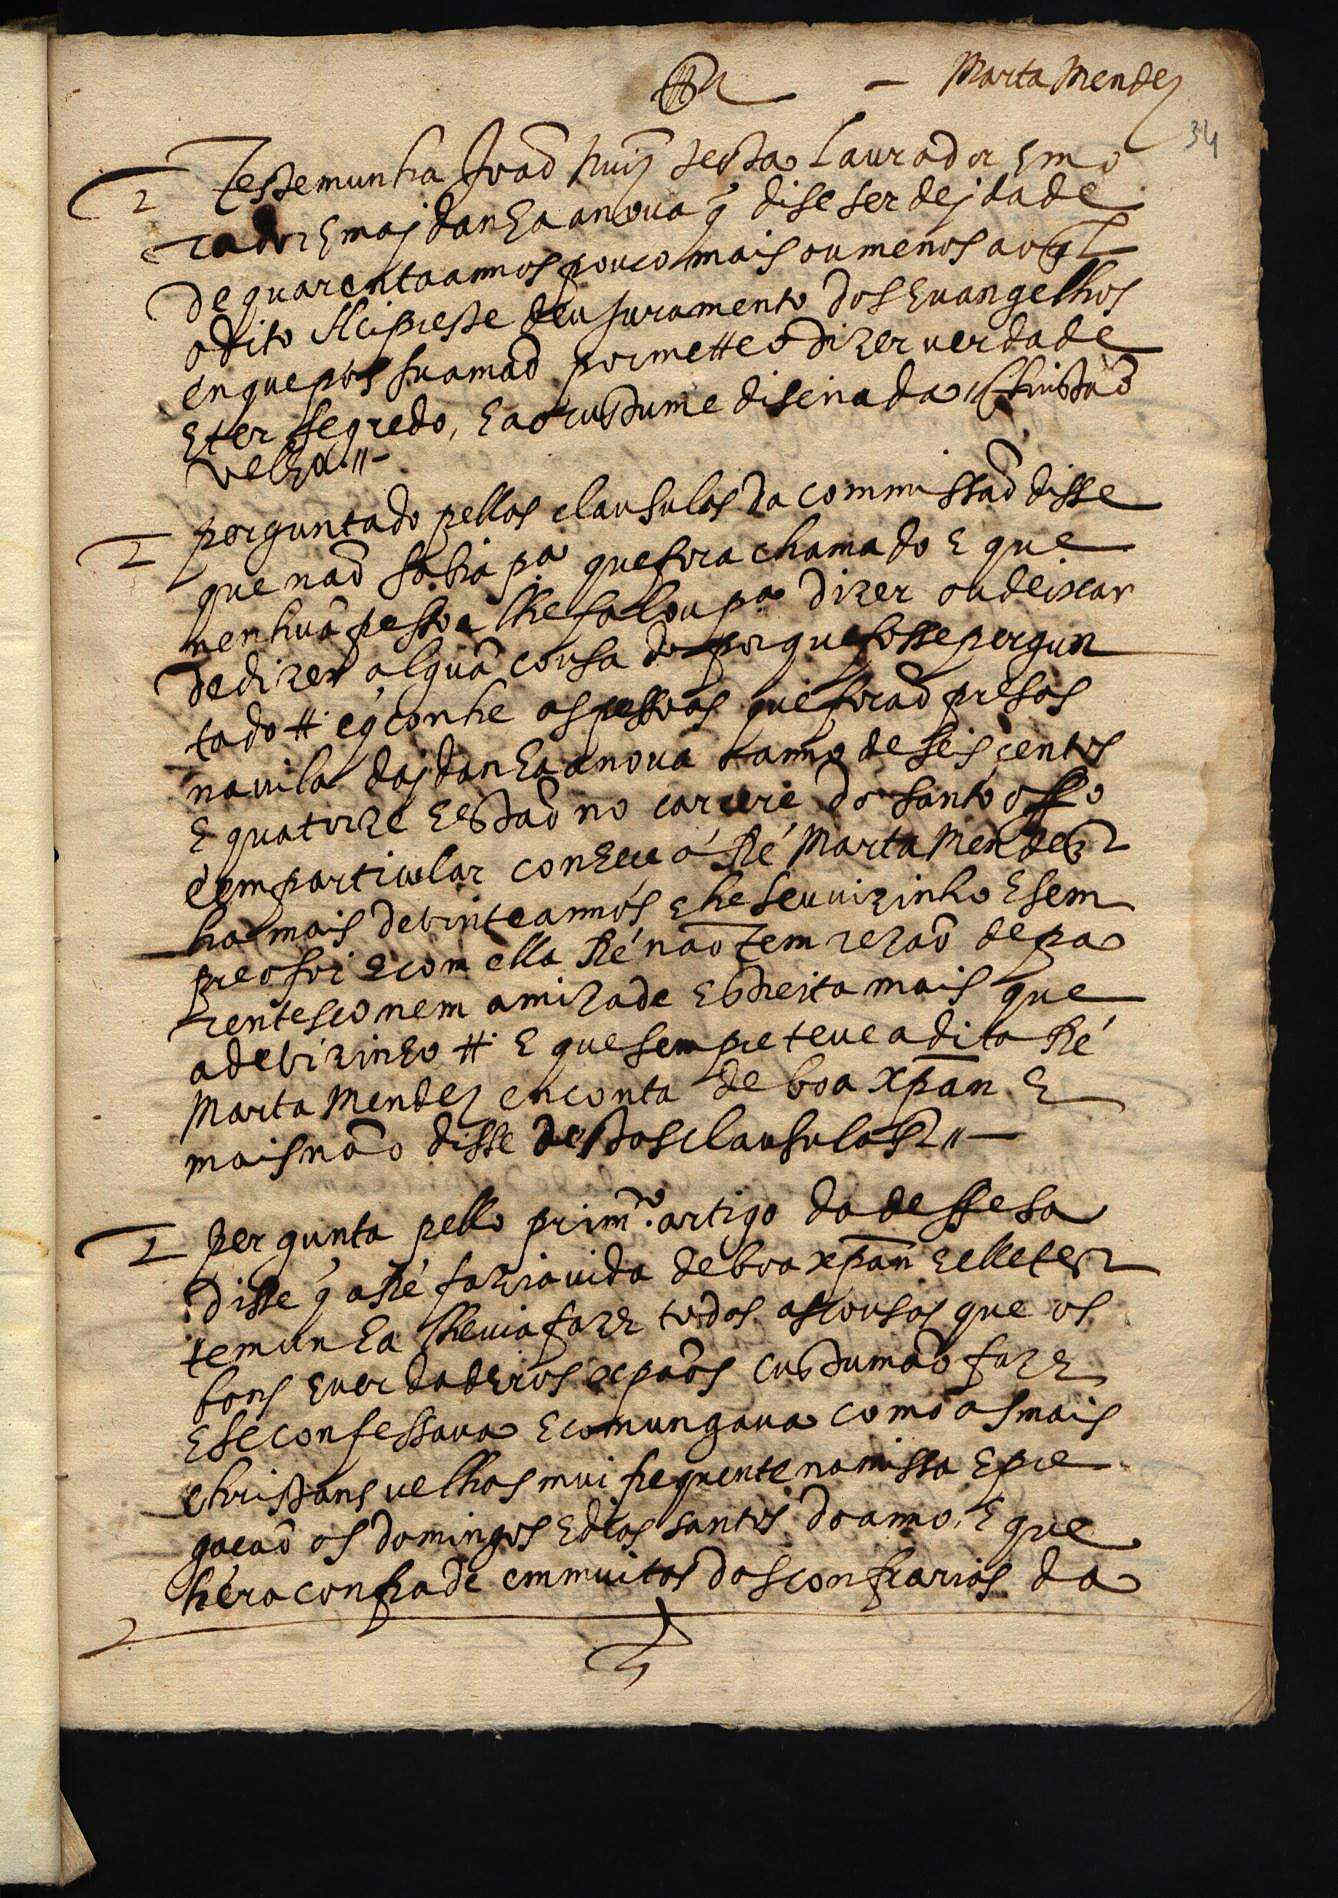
item testemunha Joaõ Nuiz̄ testa Laurador E mo
rador Em a jdanha a noua q̄ dise ser de jdade
de quarenta annos pouco mais ou menos ao q̄L
o dito Acipreste deu Juramento dos Euangelhos
en que pos sua maõ pormetteo dizer uerdade
E ter segredo, E ao custume dise nada // Christaõ
Velho. // -
item perguntado pellas clausulas da commissaõ disse
que naõ sabia p.a que fora chamado E que
nenhuā pessoa lhe falou p.a dizer ou deixar
de dizer alguā cousa do porque fosse pergun
tado
e q̄ conhe as pessoas que foraõ presas
na uila da jdanha a noua o anno de seisçentos
E quatorze E estaõ no carçere do santo offo
e em particular conheçe a Ré Marta Mendez
ha mais de vinte annos e he seu uizinho E sem
pre o foi E com ella Ré não tem rezaõ de pa
rentesco nem amizade Estreita mais que
a de vizinho
E que sempre teue a dita Ré
Marta Mendez en conta de boa xp̄am E
mais não disse destas clausulas // -
item pergunta pello primro. artigo da deffesa
disse q̄ a Ré fazia uida de boa xp̄an E elle tes
temunha lhe uia fazer todas as cousas que os
bons E uerdadeiros xpaõs custumão fazer
E se confessaua E comungaua como as mais
christans uelhas mui frequente na missa E pre
gaçaõ os domingos E dias santos do anno. E que
hera confrade em muitas das confrarias da
